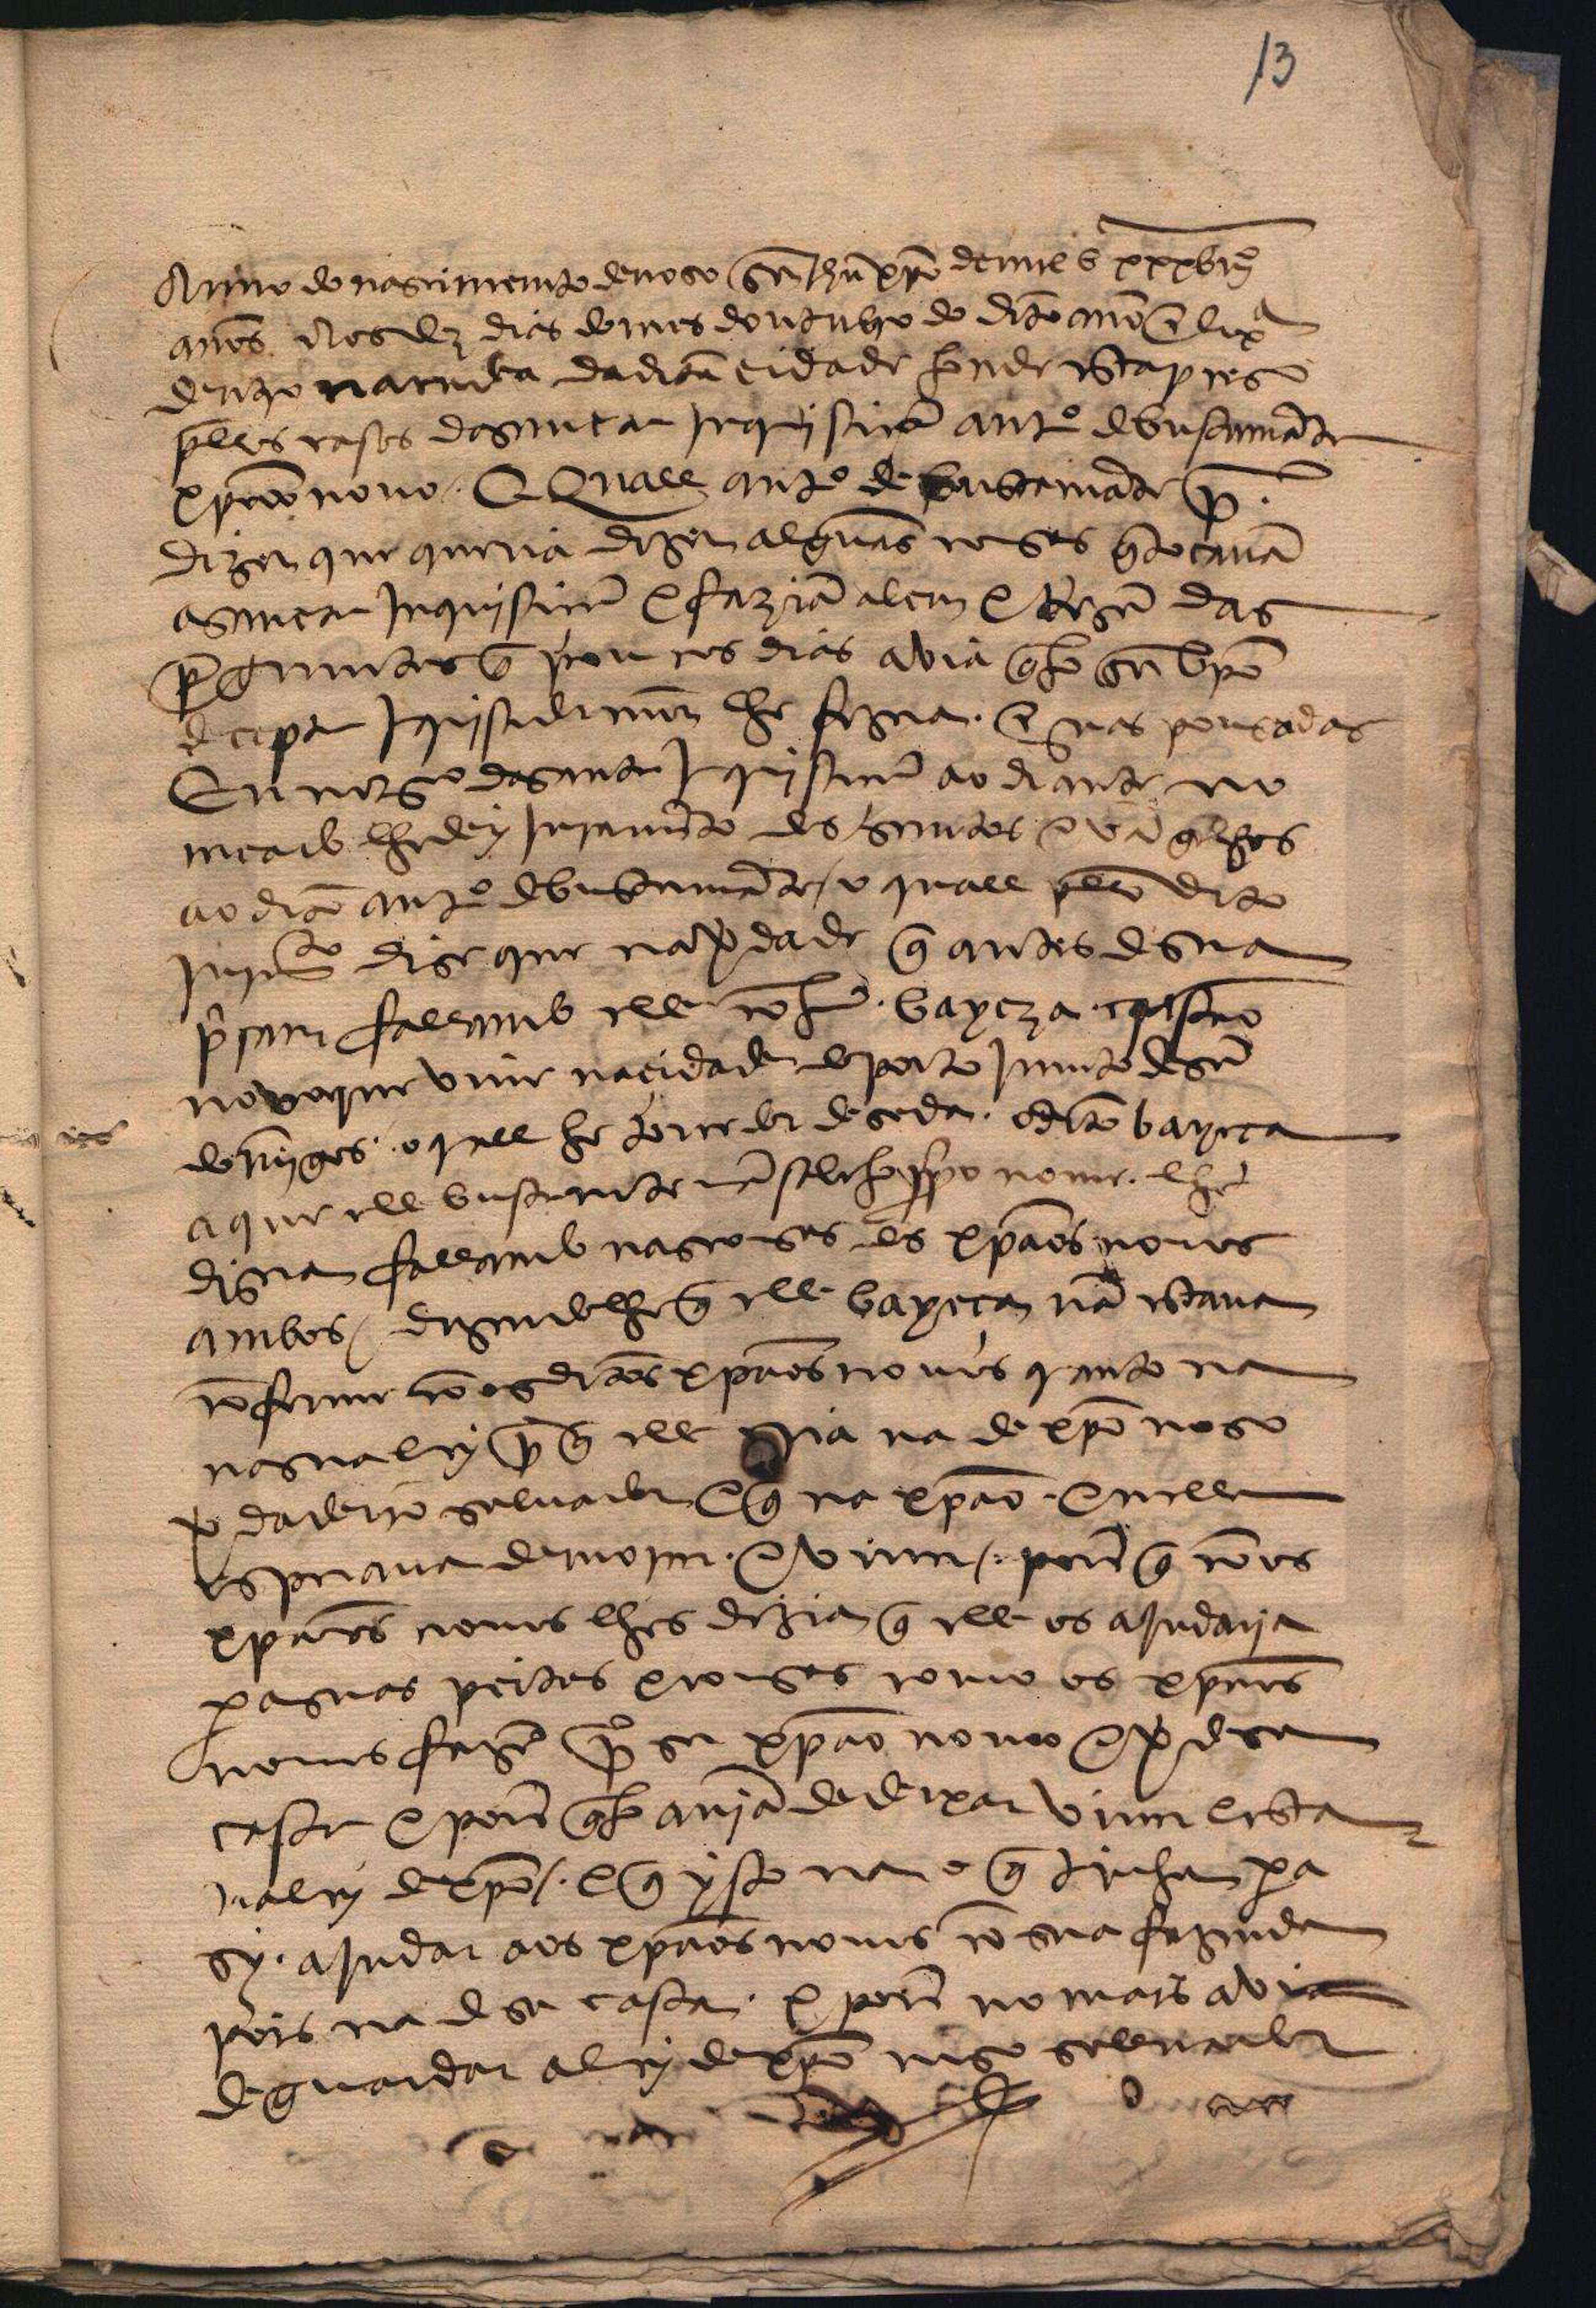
Anno do nascimemto de noso s̄or Jhū xp̄o de mil bcxxxbiijo
anōs Aos dez dias do mes doutubro do dito anō ē lixa
dentro na cadea da dita cidade honde esta preso
p̄llos casos da sancta Jnqujsiçā anto de bustamāte
xpaõ nouo /. O Quall anto de bustamāte p̄o.
dizer que queria dizer algūas cousas q̄ tocauā
a sancta Jnqujsiçā e faziā a bem e Rezā das
p̄gumtas q̄ poucos dias avia q̄ ho s̄or bpō
de cepta Jnqujsidor mōr lhe fezera. ē suas pousadas
Eu notro da santa Jnqujsiçā ao diante no
meado lhe dey Juramēto dos santos evāgelhos
ao dito anto de bustamāte / o quall pl̄lo dito
Juramto dise que era ꝟdade q̄ antes de sua
pisam fallando elle c̄o hū. bayeza. cristão
novo que viue na çidade do porto Jumto de sā
dom̄jgos ./. o quall he torcedor de seda. o dito bayeça
a que elle bustamte nā sabe ho ꝓpio nome. lhe
disera fallando nas cousas dos xpãos nouos
ambos / dizendolhe q̄ elle bayeça nā estaua
c̄oforme c̄o os ditos xpãos nouos quanto era
na sua ley p̄q̄ elle cria na de xp̄o noso
ꝟdadeiro saluador e q̄ era xpão. e nella
esperaua de morer. e viuer /. porē q̄ cō os
xpaõs nouos lhes dezia que elle os aJudarja
ꝑa suas peitas e cousas como os xpãos
nouos fazem̄ p̄o ser xpão nouo e ꝟ desa
casta e porē q̄ ho aujā de deixar viuer e estar
na ley de xp̄o /. e q̄ ysto era o q̄ tinha ꝑa
sy. aJudar aos xpãos nouos c̄o sua fazenda
pois era desa casta. e porē no mais avia
de guardar a ley de xp̄o noso salluador
